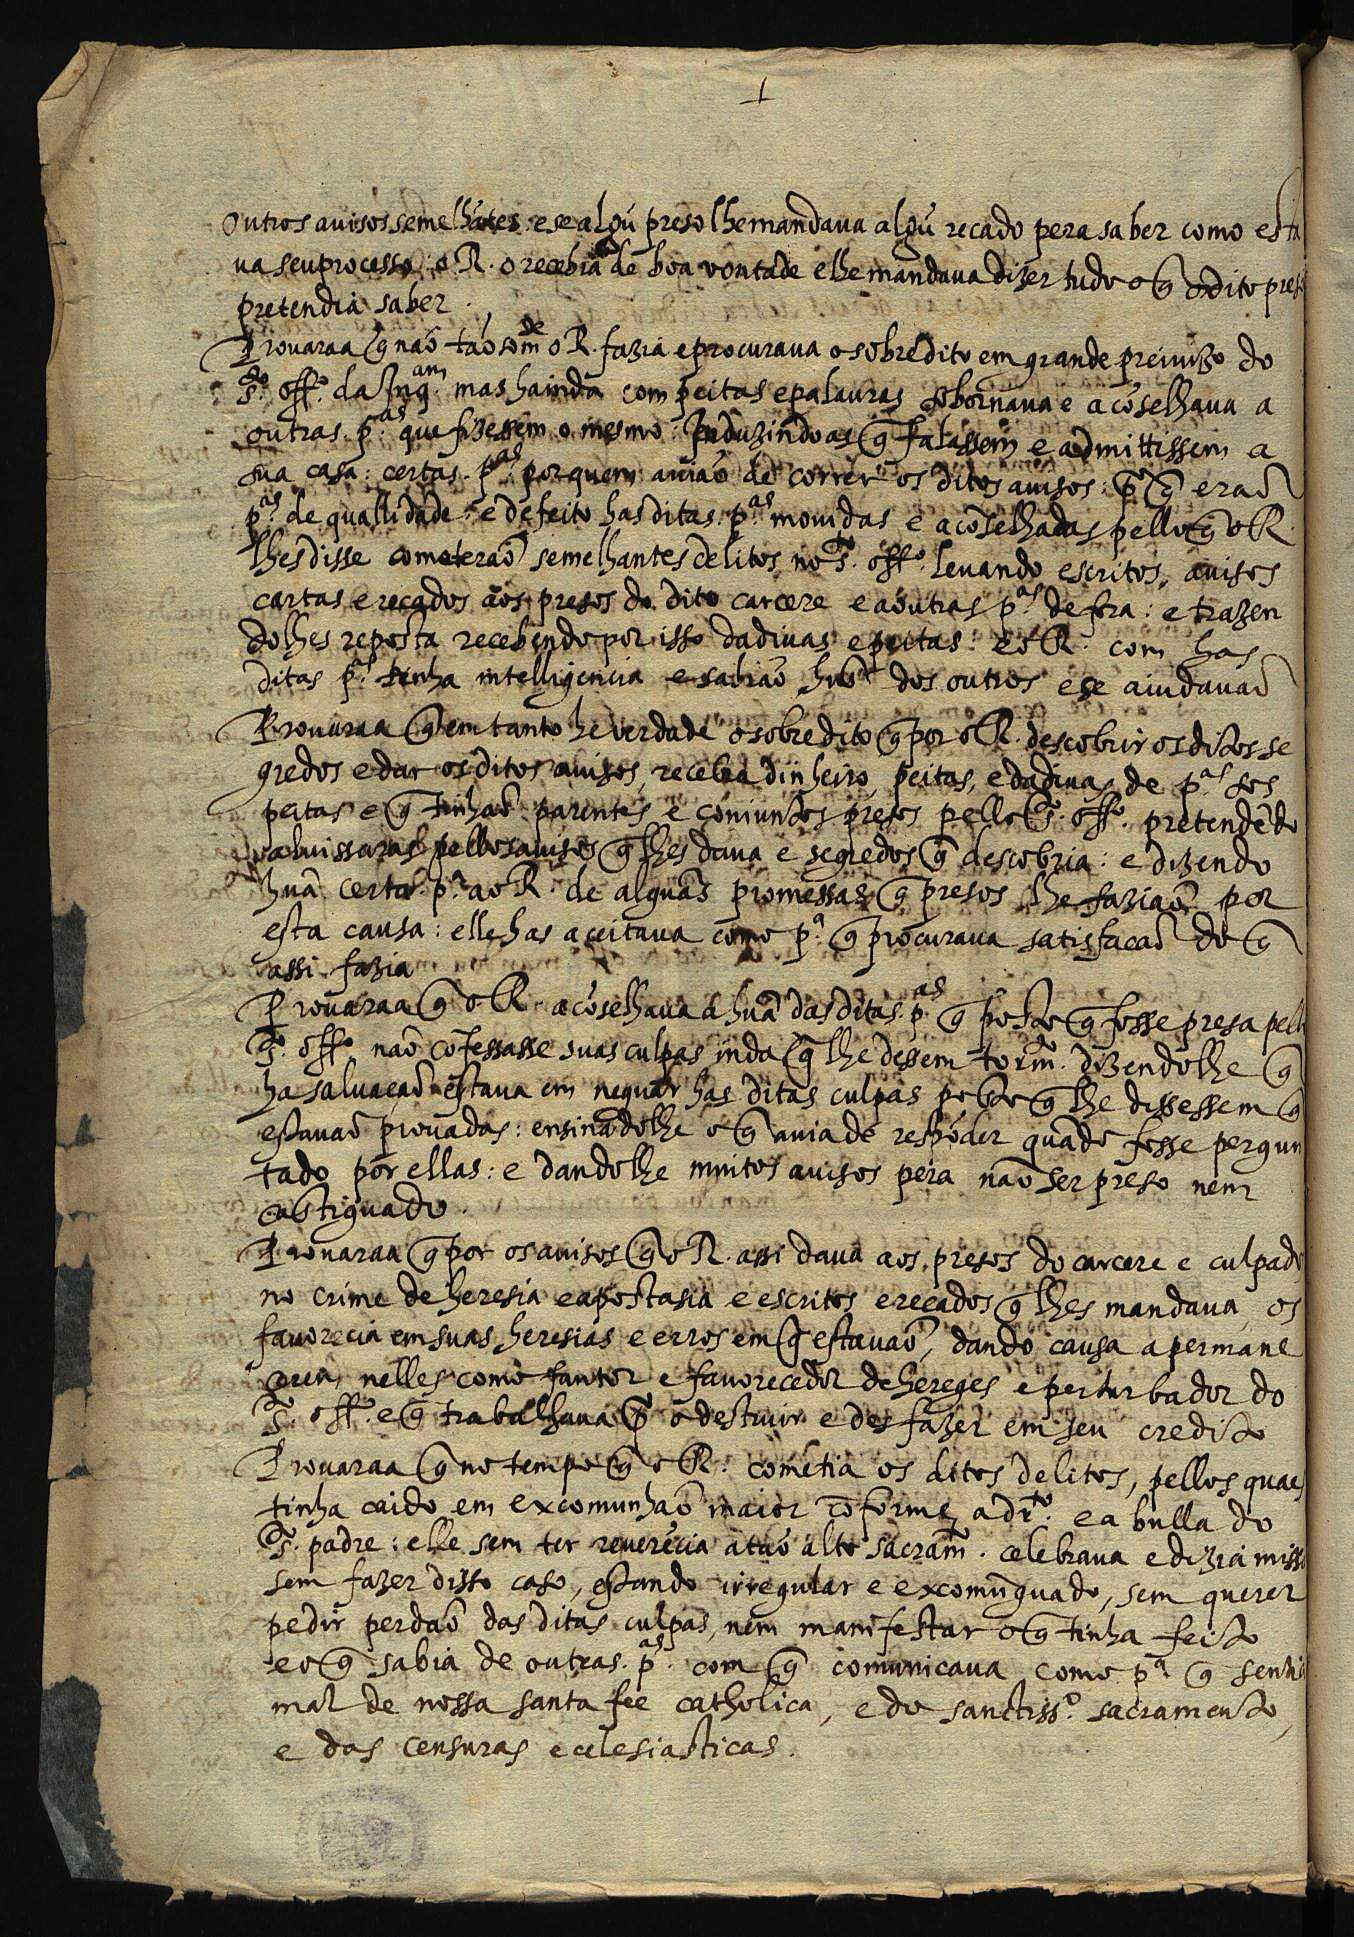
outros auisos semelhātes. e se algū preso lhe mandaua algū recado pera saber como esta
ua seu processo o R. o recebia de boa vontade e lhe mandaua dizer tudo o q̄ o dito preso
pretendia saber.
Prouaraa q̄ naõ taõ somte o R. fazia e procuraua o sobredito em grande preiuizo do
s.to off.o da Jnq.am mas hainda com peitas e palauras sobornaua e acōselhaua a
outras p.as que fizessem o mesmo. Jnduzindo as q̄ falassem e admittissem a
sua casa : certas pas. por quem auiaõ de correr os ditos auisos p̄oq̄ eraõ
pas. de quallidade e de feito has ditas p.as mouidas e acōselhadas pello q̄ o R
lhes disse cometeraõ semelhantes delitos no s.to offo. leuando escritos, auisos
cartas e recados aos presos do dito carcere e a outras pas de fora: e trazen
dolhes reposta recebendo por isso dadiuas e peitas: e o R. com has
ditas pas. tinha intelligencia e sabiaõ hus̄ dos outros e se aiudauaõ
Prouaraa q̄ em tanto he verdade o sobredito q̄ por o R. descobrir os ditos se
gredos e dar os ditos auisos, recebia dinheiro, peitas, e dadiuas de pas sos
peitas e q̄ tinhaõ parentes e coniuntos presos pello s.to offo. pretendēdo
aluissaras pellos auisos q̄ lhes daua e segredos q̄ descobria: e dizendo
huā certa p.a ao R. de alguās promessas q̄ presos lhe faziaõ por
esta causa: elle has aceitaua como p.a q̄ procuraua satisfacaõ do q̄
assi fazia
Prouaraa q̄ o R. acōselhaua a huā das ditas p.as q̄ posto q̄ fosse presa pello
sto. offo naõ cōfessasse suas culpas inda q̄ lhe dessem torm.to dizendolhe q̄
ha saluaçaõ estaua em neguar has ditas culpas posto q̄ lhe dissessem q̄
estauaõ prouadas: ensinādolhe o q̄ auia de respōder quādo fosse pergun
tado por ellas: e dandolhe muitos auisos pera não ser preso nem
castiguado
Prouaraa q̄ por os auisos q̄ o R. assi daua aos presos do carcere e culpado
no crime de heresia e apostasia e escritos e recados q̄ lhes mandaua os
fauorecia em suas heresias e erros em q̄ estauaõ, dando causa a permane
cerem nelles como fautor e fauorecedor de hereges e perturbador do
sto. off.o e q̄ trabalhaua p̄o o destruir e desfazer em seu credito
Prouaraa q̄ no tempo q̄ o R. cometia os ditos delitos, pellos quaes
tinha caido em excomunhaõ maior cōforme a drto. e a bulla do
sto. padre: elle sem ter reuerēcia a taõ alto sacramto. celebraua e dizia missa
sem fazer disso caso, estando irregular e excomūguado, sem querer
pedir perdaõ das ditas culpas, nem manifestar o q̄ tinha feito
e o q̄ sabia de outras pas. com q̄ comunicaua como pa. q̄ sentia
maL de nossa santa fee catholica, e do sanctiss.o sacramento,
e das censuras ecclesiasticas.
